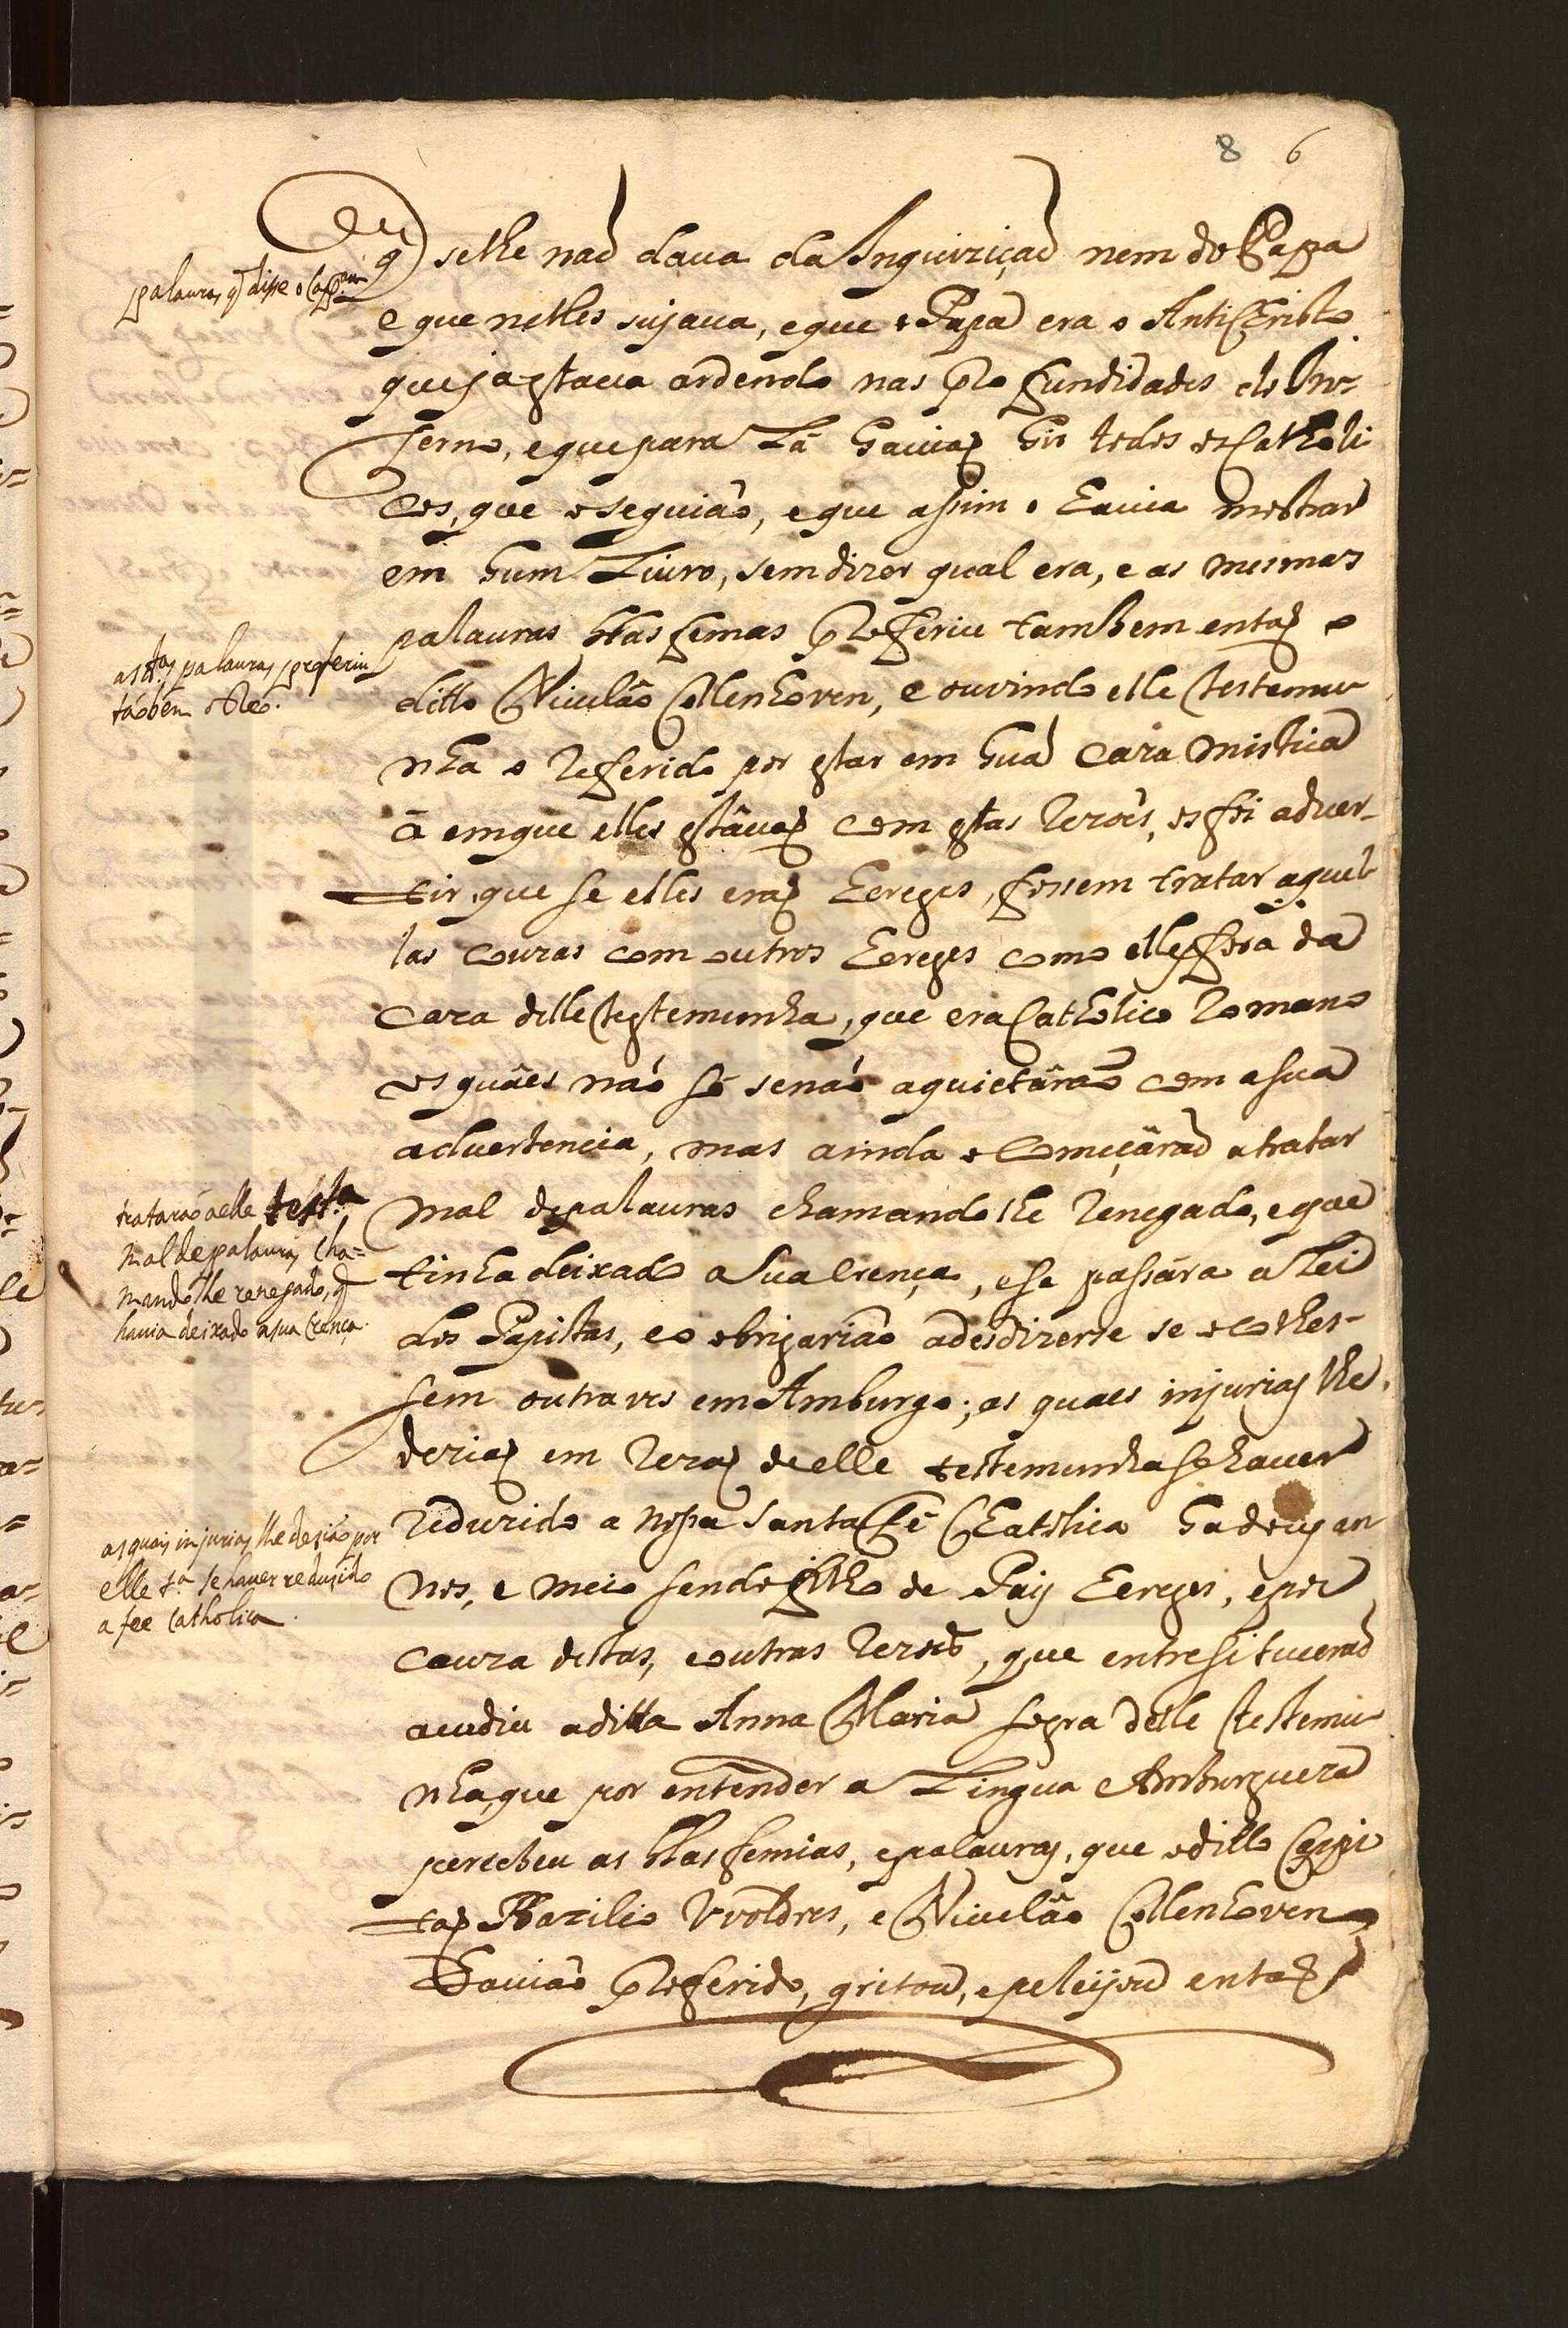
palauras q̄ disse o Cap̄.am
as d.as palauras proferiu
tãobem o Reo.
trataraõ a elle test.a
mal de palauras Cha
mando lhe renegado, q̄
hauia deixado a sua Crença.
as quais injurias lhe dezião por
elle t.a se hauer reduzido
a fee Catholica.
q̄ se lhe naõ daua da Inquiziçaõ nem do Papa
e que nelles sujaua, e que o Papa era o AntiChristo
que ja estaua ardendo nas profundidades do In
ferno, e que para Lá hauiaõ hir todos os Catholi
cos, que o seguiaõ, e que assim o hauia mostrar
em hum Liuro, sem dizer qual era, e as mesmas
palauras blasfemas proferiu tambem entaõ o
ditto Niculâo Collenhoven, e ouvindo elle testemu
nha o Referido por estar em huā caza mistica
á em que elles estâuaõ com estas Rezoēs, os foi aduer
tir que se elles eraõ hereges, fossem tratar aquel
las couzas com outros hereges como elles fora da
caza delle testemunha, que era Catholico Romano
os quâes naõ só se naõ aquietârão com a sua
aduertencia, mas ainda o começâraõ a tratar
mal de palauras chamandolhe Renegado, e que
tinha deixado a sua crença, e se passára a Lei
dos Papistas, e o obrigarião a desdizerse se o colhes
sem outra ves em Amburgo; as quaes injurias lhe
dezião em Rezaõ de elle testemunha se hauer
reduzido a nossa santa Fé Chatolica ha dous an
nos, e meio sendo filho de Pais hereges, e por
cauza destas, e outras Rezões, que entre si tiueraõ
accodiu a ditta Anna Maria sogra delle testemu
nha, que por entender a Lingua Amburgueza
percebeu as blasfemias, e palauras, que o ditto Cappi
taõ Bazilio Vvoldres, e Niculâo Collenhoven
hauiaõ proferido, gritou, e peleijou entaõ
